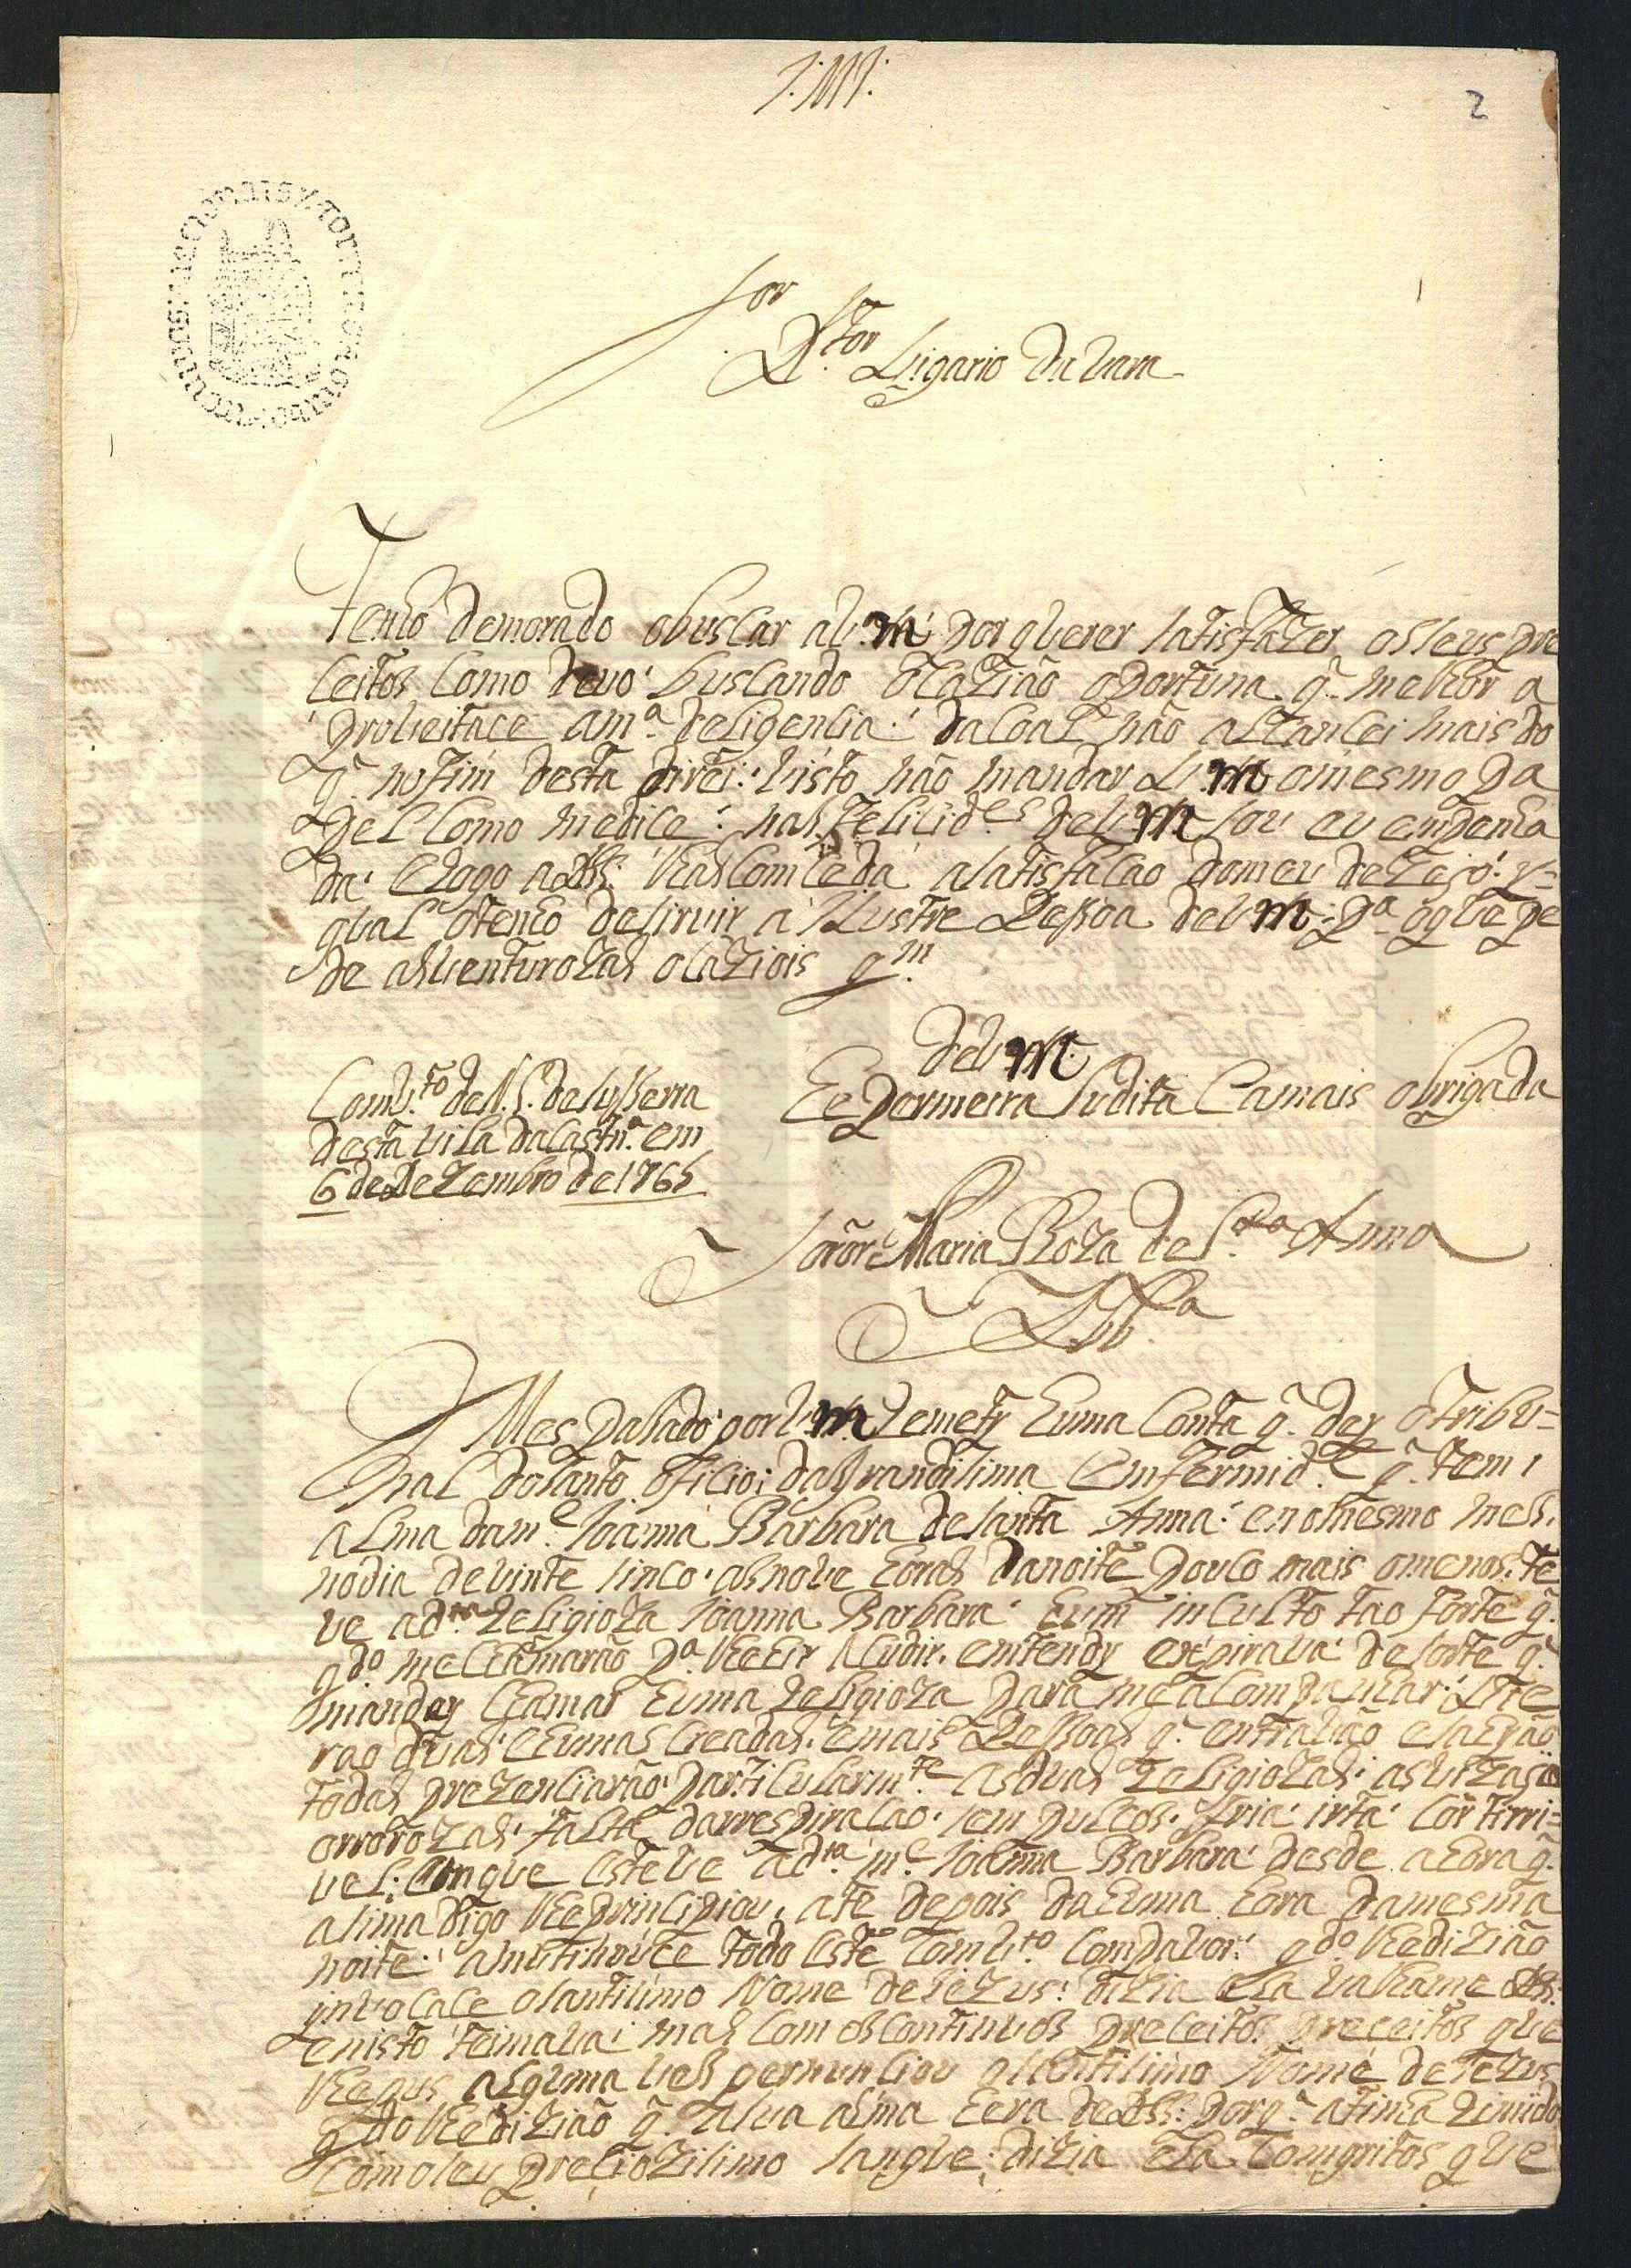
S.or D.tor Vigario da Vara
Tenho demorado o busCar a V.m por querer satisfazer os seus pre
Ceitos Como devo busCando ocaziaõ oportuna q̄ melhor a
proveitace a m.a deligencia da Coal naõ alCanCei mais do
q̄ no fim desta direi: visto naõ mandar Livro o mesmo pa
pel Como me dice; nas Felicid.es de Vm sou eu empenha
da E logo a Ds. lhas ComCeda a satisfaçaõ do meu deZejo y
gual o tenho de siruir a ILustre Pessoa de Vm. pa o que pe
de aventurozas oCaziois q.m
de V.m
Comv.to de N. S. da Subserra
he permeira sudita E a mais obrigada
De snra vila da Castr.a em
6 de Dezembro de 1765
Soror Maria Roza de S.ta Anna
Abb.a
Mes Passado por Vm remety huma Conta q̄ dey o Tribi
nal do santo oficio; da Grandisima Emfermid.e q̄ tem,
aLma da m.e Ioanna Barbara de santa Anna: e no mesmo mes
no dia de vinte sinco as nove horas da noite pouco mais o menos. te
ve a d.a Religioza Ioanna Barbara hum inculto taõ forte q̄
q.do me Chamarão p.a lhe hir acudir emtendy expirava de sorte q̄
mandey Chamar huma Religioza para me acompanhar vie
raõ duas e humas creadas. E mais pessoas q̄ entraRaõ e sahyaõ
todas prezenCiaraõ particularm.te as duas religiozas as uizase
orrorozas falta da rrespiraçaõ; sem pulços. fria irta cor tirri
vel: em que esteve a d.ta m.e Ioanna Barbara desde a hora q̄
asima digo lhe principiou, ate depois da huma hora da mesma
noite. amutinouce todo este Comv.to com pavor: qdo lhe diziaõ
ynvocace o santisimo nome de Iezus: dizia ela valhame Ds.
e nisto teimaua: mas com os continuos preceitos preceitos que
lhe pus alguma ves pernunciou o Iustisimo Nome de Iezus
qdo lhe diziaõ q̄ a sua alma hera de DSs: porq.a a tinha remida
Com o seu preciozisimo sangue; dizia ela com gritos que
